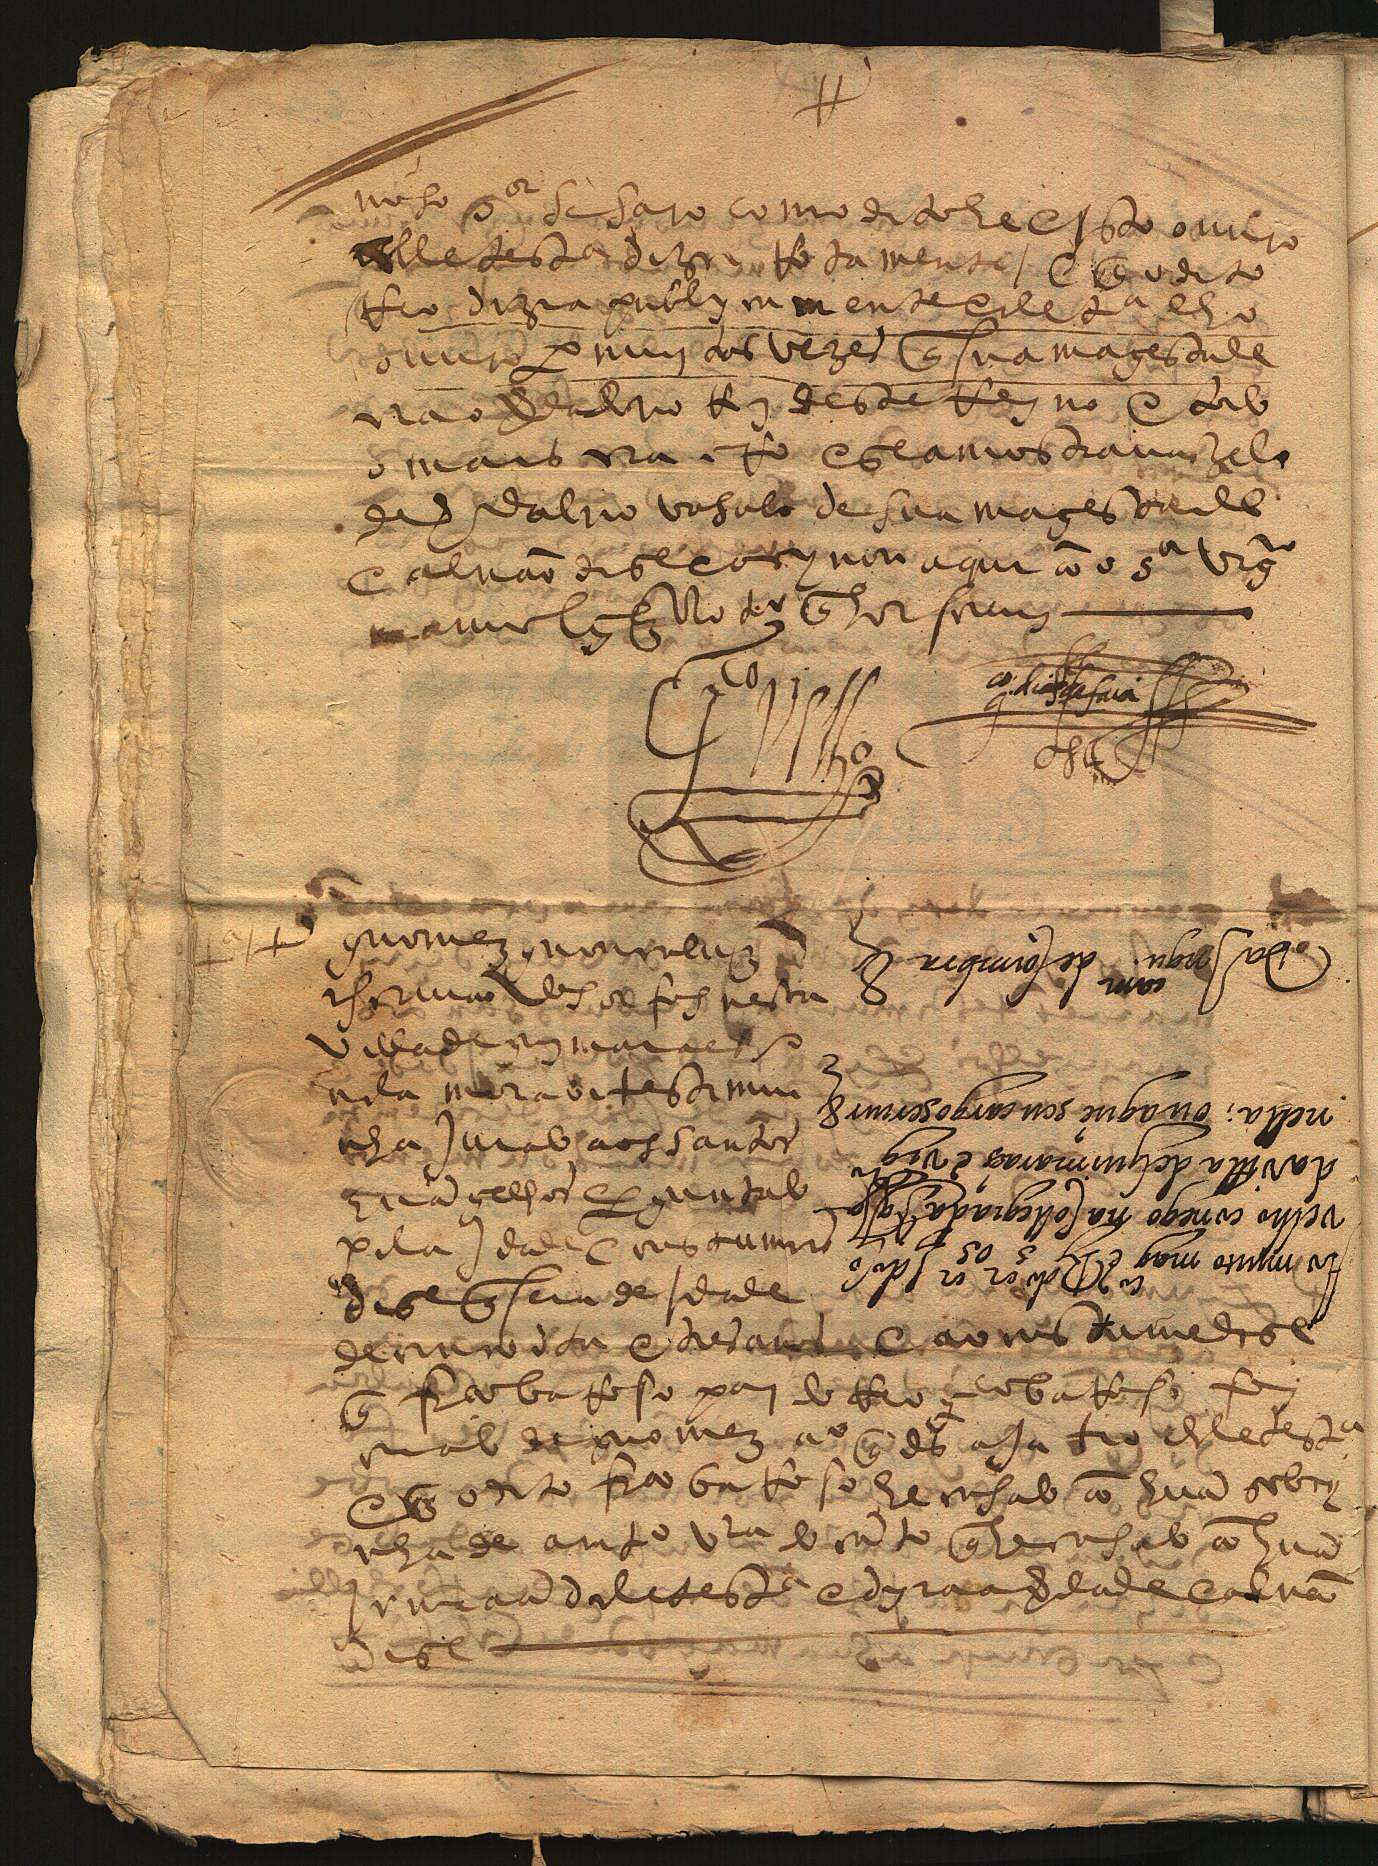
noso sor se saio como dito he e Jsto ouuio
elle testa dizer Rotamente / E q̄ o dito
Reo dizia publycamente e elle ta lho
ouuio ꝑ mujtas vezes q̄ sua magestade
era o ꝟdadeiro Rey deste Reyno e todo
o mais era eRo e se amostraua zelo
de ꝟdadeiro vasalo de sua magestade
e al não dise asynou aqui cō o sor vigro
manuel glz̄ Noto q̄ ho escreuj
gço dias da faia
Fco Velho
item guomez guonçaluz̄
escriuaõ dos orfos nesta
villa de gujmaraes e
nela morador testemu
nha Jurado aos santos
Euāgelhos e ꝑguntado
pela Jdade e custumes
dise q̄ sera de Jdade
de cincoēta e tres anos e ao custume dise
q̄ frco baRoso paj do Reo gço baRoso foj
criado de guomez ao q̄ ds̄ aJa tio delle testa
E q̄ o dito frco baRoso he casado cō huā sobry
nha de amto vra do cāto q̄ he casado cō huā
Jrmaā dele testa e dyra a ꝟdade e al não
dise
